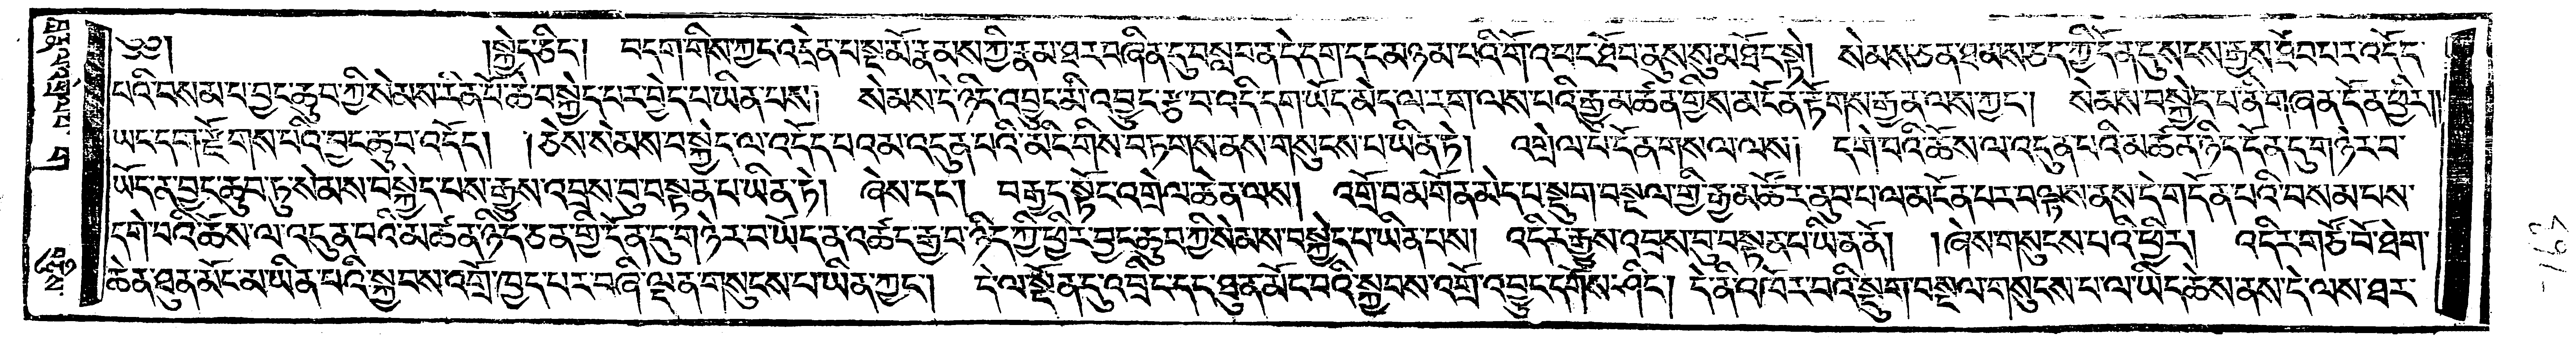༄༅། །སྐྱེད་ཅིང་། བདག་གིས་ཀྱང་འདྲེན་པ་སྔ་མོ་རྣམས་ཀྱི་རྣམ་ཐར་བཞིན་དུ་བསླབ་ན་དེ་དག་དང་མཉམ་པའི་གོ་འཕང་ཐོབ་ནུས་སུ་མཐོབ་སྟེ། སེམས་ཅན་ཐམས་ཅད་ཀྱི་དོན་དུ་སངས་རྒྱས་ཐོབ་པར་འདོད་
པའི་བསམ་པ་བྱང་ཆུབ་ཀྱི་སེམས་རིན་པོ་ཆེ་བསྐྱེད་པར་བྱེད་པ་ཡིན་པས། སེམས་དེ་ཉིད་འབྱུང་མི་འབྱུང་རྩ་བ་འདི་དག་ཡོད་མེད་ལ་རག་ལས་པའི་རྒྱུ་མཚན་གྱིས་མངོན་རྟོགས་རྒྱན་ལས་ཀྱང་། སེམས་བསྐྱེད་པ་ནི་གཞན་དོན་ཕྱིར།།
ཡང་དག་རྫོགས་པའི་བྱང་ཆུབ་འདོད། །ཅེས་སེམས་བསྐྱེད་ལ་འདོད་པའམ་འདུན་པའི་མིང་གིས་བཏགས་ནས་གསུངས་པ་ཡིན་ཏེ། འགྲེལ་པ་དོན་གསལ་ལས། དགེ་བའི་ཆོས་ལ་འདུན་པའི་མཚོན་ཉིད་དོན་དུ་གཉེར་བ་
ཡོད་ན་བྱང་ཆུབ་ཏུ་སེམས་བསྐྱེད་པས་རྒྱུས་འབྲས་བུ་བསྟན་པ་ཡིན་ཏེ། ཞེས་དང་། བརྒྱད་སྟོང་འགྲེལ་ཆེན་ལས། འགྲོ་བ་མགོན་མེད་པ་སྡུག་བསྔལ་གྱི་རྒྱ་མཚོར་ནུབ་པ་ལ་མངོན་པར་བལྟས་ནས་དེ་གདོན་པའི་བསམ་པས་
དགེ་བའི་ཆོས་ལ་འདུན་པའི་མཚན་ཉིད་ཅན་གྱི་དོན་དུ་གཉེར་བ་ཡོད་ན་འཚད་རྒྱབ་ཉིད་ཀྱི་ཕྱིར་བྱང་ཆུབ་ཀྱི་སེམས་བསྐྱེད་པ་ཡིན་པས། འདིར་རྒྱས་འབྲེས་བུ་བསྟན་པ་ཡིན་ནོ། །ཞེས་གསུངས་པའི་ཕྱིར། འདིར་གཙོ་བོ་ཐེག་
ཆེན་ཐུན་མོང་མ་ཡིན་པའི་སྐྱབས་འགྲོ་ཁྱད་པར་བཞི་ལྡན་གསུངས་པ་ཡིན་ཀྱང་། དེ་ལ་སྔོན་དུ་འབྲིང་དང་ཐུན་མོང་བའི་སྐྱབས་འགྲོ་འབྱུང་དགོས་ཤིང་། དེ་ནི་འཁོར་བའི་སྡུག་བསྔལ་གསུངས་པ་ལ་ཡིད་ཆེས་ནས་དེ་ལས་ཐར་